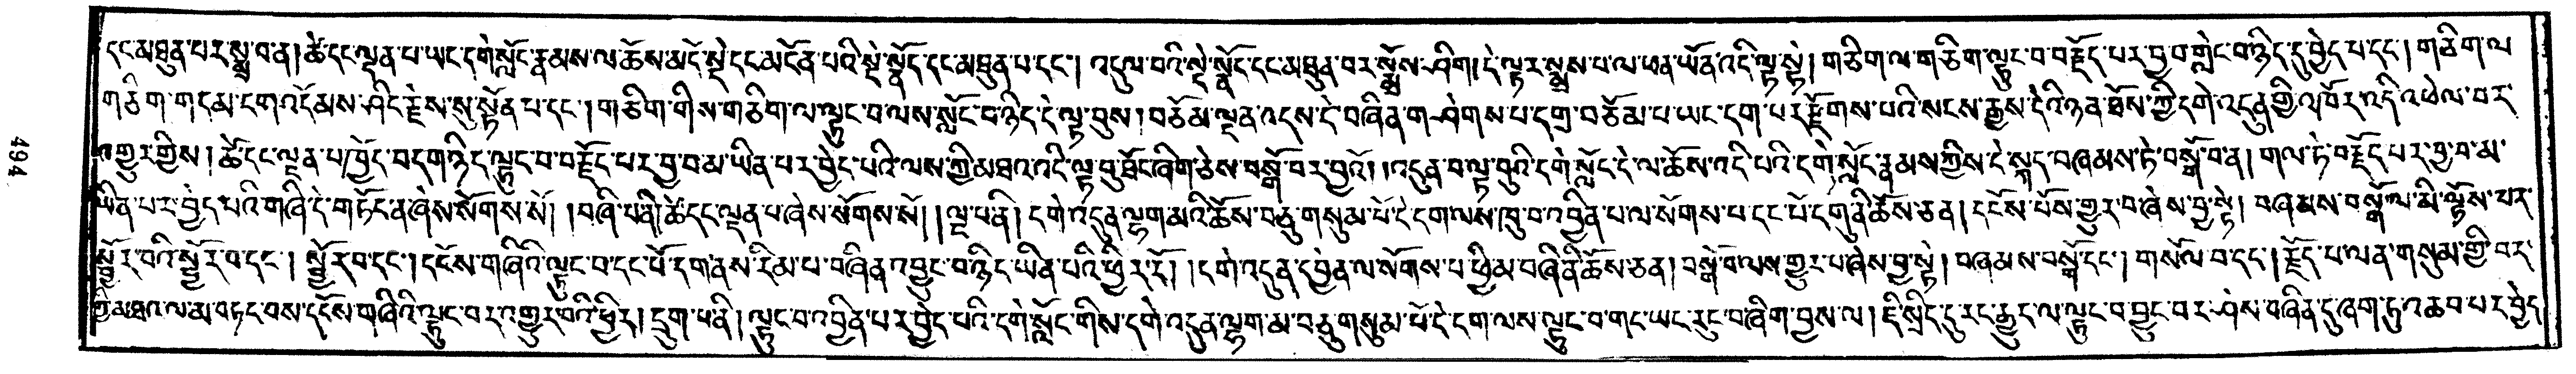དང་མཐུན་པར་སྨྲ་བ་ན། ཚེ་དང་ལྡན་པ་ཡང་དགེ་སློང་རྣམས་ལ་ཆོས་མདོ་སྡེ་དང་མངོན་པའི་སྡེ་སྣོད་དང་མཐུན་པ་དང་། འདུལ་བའི་སྡེ་སྣོང་དང་མཐུན་བར་སྨྲོས་ཤིག། དེ་ལྟར་སྨྲས་པ་ལ་ཕན་ཡོན་འདི་ལྟ་སྟེ། གཅིག་ལ་གཅིག་ལྟུང་བ་བརྗོད་པར་བྱ་བ་གླེང་བ་ཉིད་དུ་བྱེད་པ་དང་། གཅིག་ལ་
གཅིག་གདམ་ངག་འདོམས་ཤིང་རྗེས་སུ་སྟོན་པ་དང་། གཅིག་གིས་གཅིག་ལ་ལྟུང་བ་ལས་སློང་བ་ཉིད་དེ་ལྟ་བུས། བཅོམ་ལྡན་འདས་དེ་བཞིན་གཤེགས་པ་དགྲ་བཅོམ་པ་ཡང་དག་པར་རྫོགས་པའི་སངས་རྒྱས་དེའི་ཉན་ཐོས་ཀྱི་དགེ་འདུན་གྱི་འཁོར་འདི་འཕེལ་བར་
འགྱུར་གྱིས། ཚེ་དང་ལྡན་པ་ཁྱོད་བདག་ཉིད་ལྟུང་བ་བརྗོད་པར་བྱ་བ་མ་ཡིན་པར་བྱེད་པའི་ལས་ཀྱི་མཐའ་དི་ལྟ་བུ་ཐོང་ཞིག་ཅེས་བགོ་བར་བྱའོ། །འདུན་བ་ལྟ་བུའི་དགེ་སློང་དེ་ལ་ཆོས་འདི་པའི་དགེ་སློང་རྣམས་ཀྱིས་ཏེ་བསྒོ་བ་ན། གལ་ཏེ་བརྗོད་པར་བྱ་བ་མ་
ཡིན་པར་བྱེད་པའི་གཞི་དེ་གཏོང་ན་ཞེས་སོགས་སོ། །བཞི་པ་ནི། ཚེ་དང་ལྡན་པ་ཞེས་སོགས་སོ། །ལྔ་པ་ནི། དགེ་འདུན་ལྷག་མའི་ཆོས་བཅུ་གསུམ་པོ་དེ་དག་ལས་ཁུ་བ་འབྱིན་པ་ལ་སོགས་པ་དང་པོ་དགུ་ནི་ཆོས་ཅན། དངོས་པོས་གྱུར་བ་ཞེས་བྱ་སྟེ། བཞམས་བསྒོ་ལ་མི་ལྟོས་པར་
སྦྱོར་བའི་སྦྱོར་བ་དང་། སྦྱོར་བ་དང་། སྔོས་གཞིའི་ལྟུང་བ་དང་པོ་དག་ནས་རིམ་པ་བཞིན་འབྱུང་བ་ཉིད་ཡིན་པའི་ཕྱིར་རོ། །དགེ་འདུན་དབྱེན་ལ་སོགས་པ་ཕྱི་མ་བཞིན་ཆོས་ཅན། བསྒོ་བ་ལས་གྱུར་པ་ཞེས་བྱ་སྟེ། བཞམས་བསྒོ་དང་། གསོལ་བ་དང་། རྗོད་པ་ལན་གསུམ་གྱི་བར་
གྱི་མཐའ་ལ་མ་བཏང་བས་དངོས་གཞིའི་ལྟུང་བར་འགྱུར་བའི་ཕྱིར། དྲུག་པ་ནི། ལྟུང་བ་འབྱིན་པར་བྱེད་པའི་དགེ་སློང་གིས་དགེ་འདུན་ལྷག་མ་བཅུ་གསུམ་པོ་དེ་དག་ལས་ལྟུང་བ་གང་ཡང་རུང་བཞི་བྱས་ལ། ཇི་སྲིད་དུ་རང་རྒྱུད་ལ་ལྟུང་བ་བྱུང་བར་ཤེས་བཞིན་དུ་ཞག་ཏུ་འཆབ་པར་བྱེད་